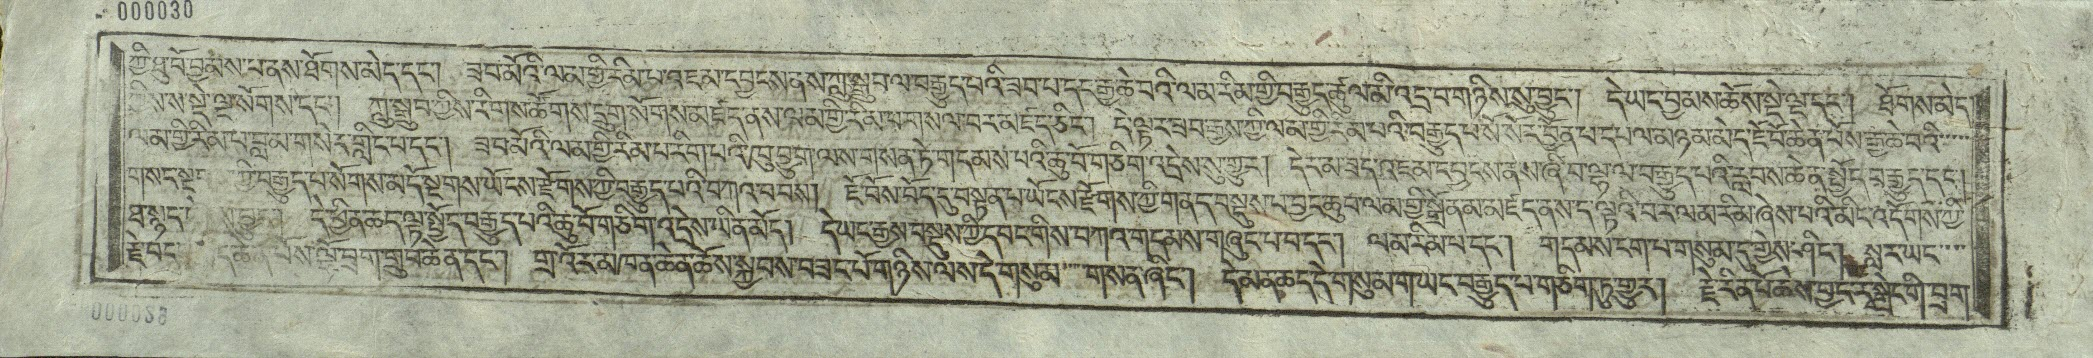ཀྱི་ཐུ་བོ་བྱམས་པ་ནས་ཐོགས་མེད་དང་། ཟབ་མོའི་ལམ་གྱི་རིམ་པ་འཇམ་དབྱངས་ནས་ཀླུ་སྒྲུབ་ལ་བརྒྱུད་པའི་ཟབ་པ་དང་རྒྱ་ཆེ་བའི་ལམ་རིམ་གྱི་བརྒྱུད་ཚུལ་མི་འདྲ་བ་གཉིས་སུ་བྱུང་། དེ་ཡང་བྱམས་ཆོས་སྡེ་ལྔ་དང་། ཐོགས་མེད་
ཀྱིས་ས་སྡེ་ལྔ་སོགས་དང་། ཀླུ་སྒྲུབ་ཀྱིས་རིགས་ཚོགས་དྲུག་སོགས་མཛད་ནས་ལམ་གྱི་རིམ་པ་གསལ་བར་མཛད་ཅིང་། དེ་ལྟར་ཟབ་རྒྱས་ཀྱི་ལམ་གྱི་རིམ་པའི་བརྒྱུད་པ་སོ་སོར་བྱོན་པ་དཔལ་མཉམ་མེད་ཇོ་བོ་ཆེན་པོས་རྒྱ་ཆེ་བའི་
ལམ་གྱི་རིམ་པ་བླ་མ་གསེར་གླིང་པ་དང་། ཟབ་མོའི་ལམ་གྱི་རིམ་པ་རིག་པའི་ཁུ་བྱུག་ལས་གསན་ཏེ་གདམས་པའི་ཆུ་བོ་གཅིག་འདྲེས་སུ་གྱུར། དེར་མ་ཟད་འཇམ་དབྱངས་ནས་ཞི་བ་ལྷ་ལ་བརྒྱུད་པའི་རླབས་ཆེན་སྤྱོད་བརྒྱུད་དང་།
གསང་སྔགས་ཀྱི་བརྒྱུད་པ་སོགས་མདོ་སྔགས་ཡོངས་རྫོགས་ཀྱི་བརྒྱུད་པའི་བཀའ་བབས། ཇོ་བོས་བོད་དུ་བསྟན་པ་ཡོངས་རྫོགས་ཀྱི་གནད་བསྡུས་པ་བྱང་ཆུབ་ལམ་གྱི་སྒྲོན་མ་མཛད་ནས་ད་ལྟའི་བར་ལམ་རིམ་ཞེས་པའི་མིང་འདོགས་ཀྱི་
ཐ་སྙད་དེ་ནས་བྱུང་། དེ་ཕྱིན་ཆད་ལྟ་སྤྱོད་བརྒྱུད་པའི་ཆུ་བོ་གཅིག་འདྲེས་ཡིན་མོད། དེ་ཡང་རྒྱས་བསྡུས་ཀྱི་དབང་གིས་བཀའ་གདམས་གཞུང་པ་བ་དང་། ལམ་རིམ་པ་དང་། གདམས་ངག་པ་གསུམ་དུ་གྱེས་ཤིང་། སླར་ཡང་
རྗེ་བདག་ཉིད་ཆེན་པོས་ལྷོ་བྲག་གྲུབ་ཆེན་དང་། གྲ་འོར་མཁན་ཆེན་ཆོས་སྐྱབས་བཟང་པོ་གཉིས་ལས་དེ་གསུམ་གསན་ཞིང་། དེ་མན་ཆད་དེ་གསུམ་ག་ཡང་བརྒྱུད་པ་གཅིག་ཏུ་གྱུར། རྗེ་རིན་པོ་ཆེས་བྱང་རྭ་སྒྲེང་གི་བྲག་